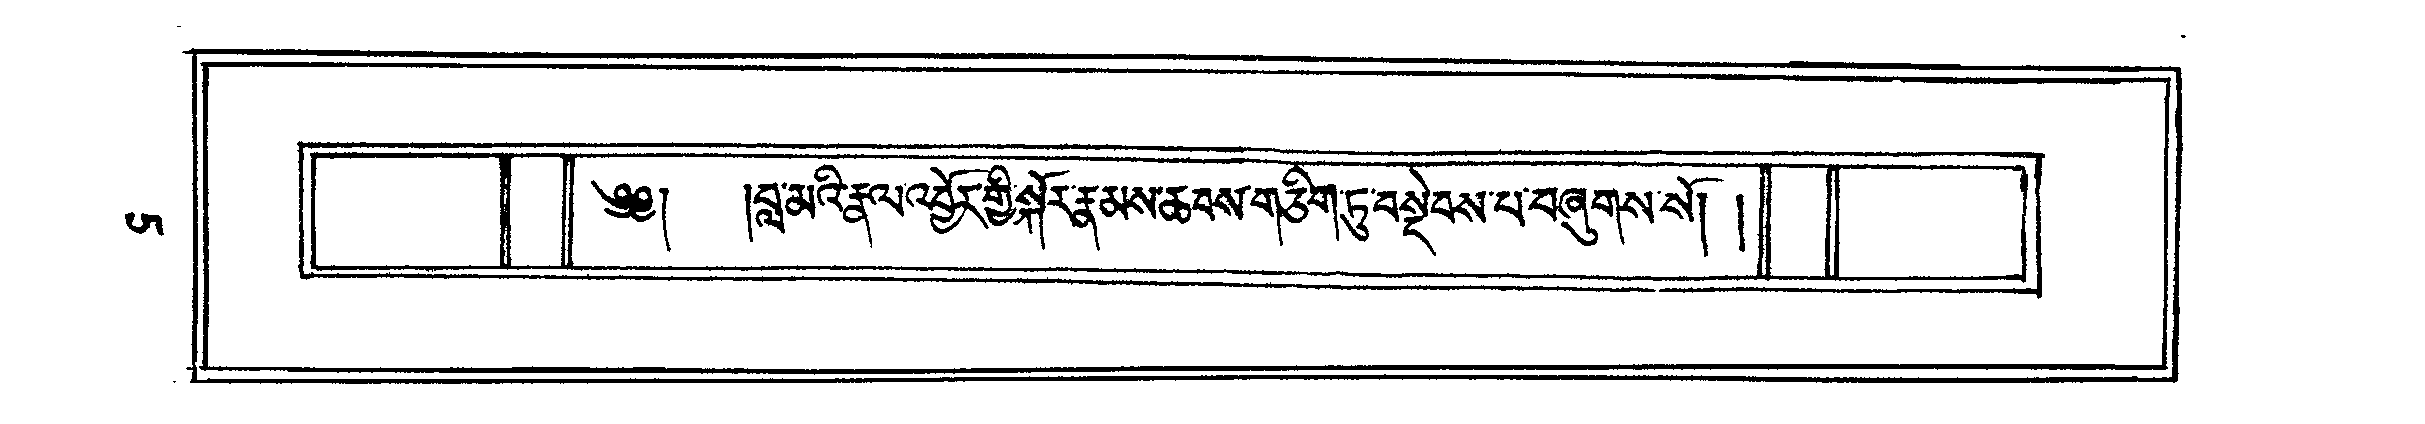༄༅། །བླ་མའི་རྣལ་འབྱོར་གྱི་སྐོར་རྣམས་ཆབས་གཅིག་ཏུ་བསྡེབས་པ་བཞུགས་སོ། །